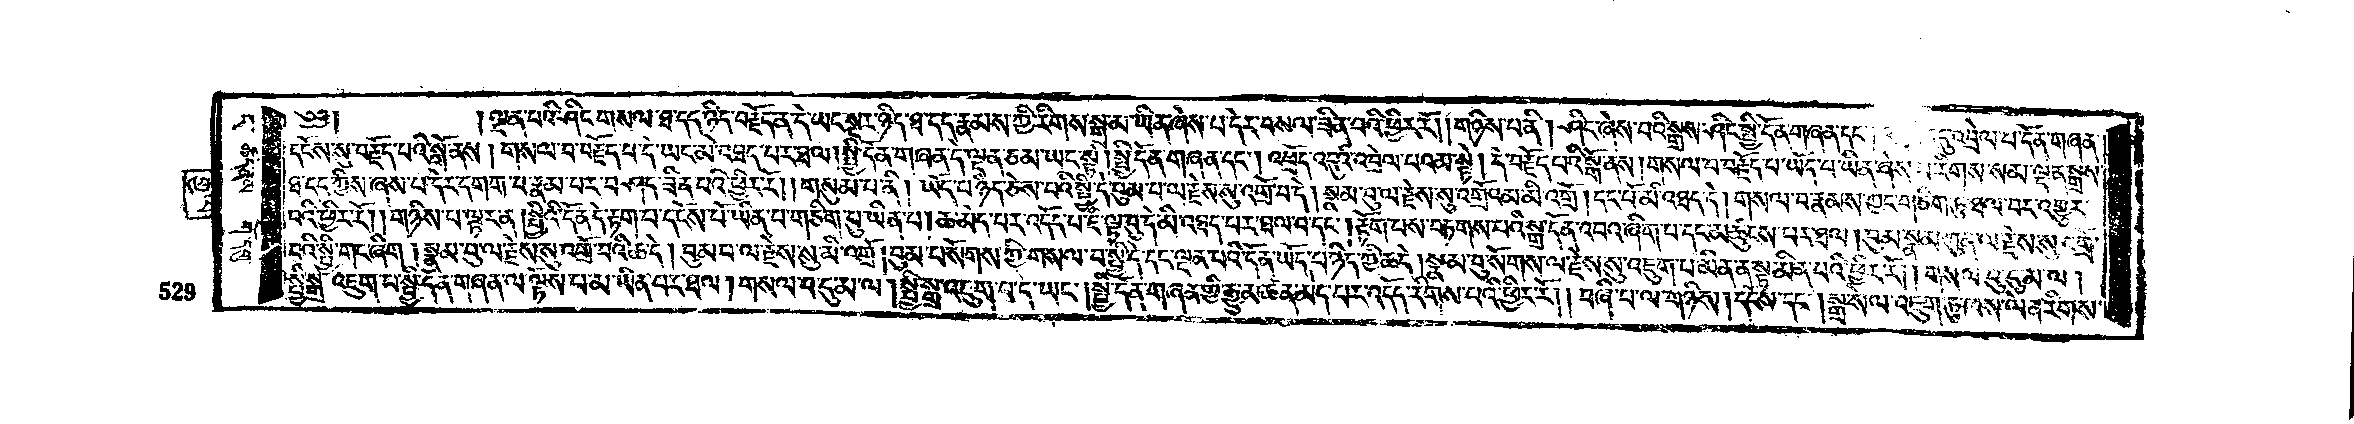༄༅། །ལྡན་པའི་ཤིང་གསལ་ཐ་དད་ཉིད་བརྗོད་ན་དེ་ཡང་སྔར་ཉིད་ཐ་དད་རྣམས་ཀྱི་རིགས་སྒྲ་མ་ཡིན་ཞེས་པ་དེར་བསལ་ཟིན་པའི་ཕྱིར་རོ། །གཉིས་པ་ནི། ཤིང་ཞེས་པའི་སྒྲས་ཤིང་སྤྱི་དོན་གཞན་དང་། འཕྲོད་འདུ་འབྲལ་པ་དོན་གཞན་
དངོས་སུ་བརྗོད་པའི་སྒོ་ནས། གསལ་བ་བརྗོད་པ་དེ་ཡང་མི་འཐད་པར་ཐལ། སྤྱི་དོན་གཞན་དེ་ལྡན་ཙམ་ཡང་སྟེ། སྤྱི་དོན་གཞན་དང་། འཕྲོད་འདུའི་འབྲལ་པའམ་སྟེ། དེ་བརྗོད་པའི་སྒོ་ནས། གསལ་བ་བརྗོད་པ་ཡོད་པ་ཡིན་ཞེས་པ་རིགས་སམ་ལྡན་སྒྲས་
ཐ་དད་ཀྱིས་ཞེས་པ་དེར་དགག་པ་རྣམ་པར་བཤད་ཟིན་པའི་ཕྱིར་རོ། །གསུམ་པ་ནི། ཡོད་པ་ཉིད་ཅེས་པའི་སྤྱི་དེ་བུམ་པ་ལ་རྗེས་སུ་འགྲོ་བ་དེ། སྣམ་བུ་ལ་རྗེས་སུ་འགྲོའམ་མི་འགྲོ། དང་པོ་མི་འཐད་དེ། གསལ་བ་རྣམས་ཀྱང་གཅིག་ཏུ་ཐལ་བར་འགྱུར་
བའི་ཕྱིར་རོ། །གཉིས་པ་ལྟར་ན། སྤྱིའི་དོན་དེ་རྟག་པ་དངོས་པོ་ཡིན་པ་གཅིག་ཏུ་ཡིན་པ། ཆ་མེད་པར་འདོད་པ་ཇི་ལྟ་བུ་དེ་མི་འཐད་པར་ཐལ་བ་དང་། རྟོག་པས་བཏགས་པའི་སྒྲ་དོན་འབའ་ཞིག་པ་དང་མཚུངས་པར་ཐལ། བུམ་སྣམ་ཀུན་ལ་རྗེས་སུ་འགྲོ་
བའི་སྤྱི་གང་ཞིག །སྣམ་བུ་ལ་རྗེས་སུ་འགྲོ་བའི་ཆ་དེ། བུམ་པ་ལ་རྗེས་སུ་མི་འགྲོ་བུམ་པ་སོགས་ཀྱི་གསལ་བ་སྤྱི་དེ་དང་ལྡན་པའི་དོན་ཡོད་པ་ཉིད་ཀྱི་ཆ་དེ། སྣམ་བུ་སོགས་ལ་རྗེས་སུ་འཇུག་པ་མིན་ན་སྟ་མིན་པའི་ཕྱིར་རོ། །གསལ་བུ་དུ་མ་ལ།
སྤྱི་སྒྲོ་འཇུག་པ་སྤྱི་དོན་གཞན་ལ་ལྟོས་པ་མ་ཡིན་པར་ཐལ། གལ་བ་དུ་མ་ལ་སྤྱི་སྒྲ་འཇུག་པ་དེ་ཡང་། སྤྱི་དོན་གཞན་གྱི་རྒྱུ་མཚན་མེད་པར་འདོད་རིགས་པའི་ཕྱིར་རོ། བཞི་པ་ལ་གཉིས། དངོས་དང་། སྒྲ་སེལ་འཇུག་ཏུ་ཁས་ལེན་རིགས་